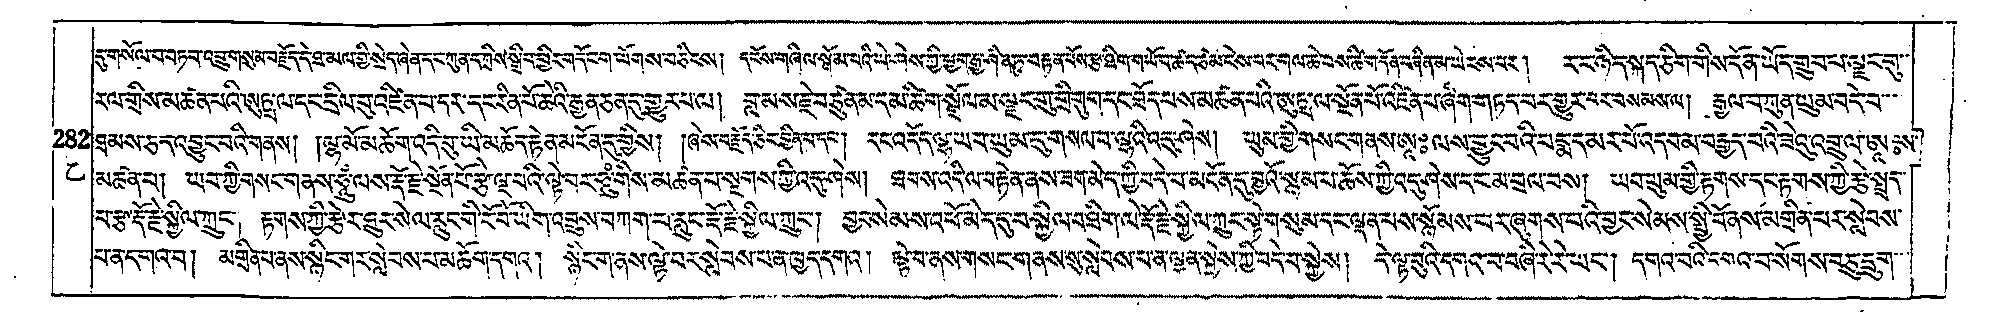དུ་གསོལ་བ་བཏབ་འབྲུ་གསུམ་བརྗོད་དེ་ཐ་མལ་གྱི་སྲེད་ཞེན་དང་ཀུན་དཀྲིས་སྒྲིབ་ཕྱིར་གདོང་གཡོགས་བཅིངས། དངོས་གཞི་ལ་སྒོམ་པའི་ཡེ་ཤེས་ཀྱི་ཕྱག་རྒྱ་ཤིན་ཏུ་བརྟན་པོས་རྩ་ཐིག་གཡོ་བ་ཚད་ཙམ་ངེས་པར་གལ་ཆེ་བས་ཚིག་དོན་བཞིན་མ་ཡེངས་པར།  རང་ཉིད་སྐད་ཅིག་གིས་དོན་ཡོད་གྲུབ་པ་ལྗང་གུ་་་
རལ་གྲིས་མཚན་པའི་ཨུཏྤ་ལ་དང་དྲིལ་བུ་འཛིན་པ་དར་དང་རིན་པོ་ཆེའི་རྒྱན་ཅན་དུ་གྱུར་པ་ལ། བླ་མས་རྗེ་བཙུན་མ་དམ་ཚིག་སྒྲོལ་མ་ལྷང་གུ་གྲི་གུག་དང་ཐོད་པས་མཚན་པའི་ཨུཏྤ་ལ་སྔོན་པོ་འཛིན་པ་ཞིག་གཏད་པར་གྱུར་པར་བསམས་ལ། རྒྱལ་བ་ཀུན་ཡུམ་བདེ་བ་་་
ཐམས་ཅད་འབྱུང་བའི་གནས། །ལྷ་མོ་མཆོག་འདི་བུ་ཡི་མཆོད་རྟེན་མངོན་དུ་གྱིས། །ཞེས་བརྗོད་ཅིང་བྱིན་པ་དང་། རང་འདོད་ལྷ་ཡབ་ཡུམ་དུ་གསལ་བ་ལྷའི་འདུ་ཤེས། ཡུམ་གྱི་གསང་གནས་ཨཱཿལས་བྱུང་བའི་པདམ་དམར་པོ་འདབ་མ་བརྒྱད་པའི་ཟེའུ་འབྲུ་ལ་ཨཱཿས་
མཚན་པ། ཡབ་ཀྱི་གསང་གནས་ཧཱུཾ་ལས་རྡོ་རྗེ་སྔོན་པོ་རྩེ་ལྔ་པའི་ལྟེ་བར་ཧཱུཾ་གིས་མཚན་པ་སྔགས་ཀྱི་འདུ་ཤེས། ཐབས་འདི་ལ་བརྟེན་ནས་ཟག་མེད་ཀྱི་བདེ་བ་མངོན་དུ་བྱའོ་སྙམ་པ་ཆོས་ཀྱི་འདུ་ཤེས་དང་མ་བྲལ་བས། ཡབ་ཡུམ་གྱི་རྟགས་དང་རྟགས་ཀྱི་རྩེ་སྤྲད་
པ་རྩ་རྡོ་རྗེ་སྐྱིལ་ཀྲུང་། རྟགས་ཀྱི་རྩེར་ཐུར་སེལ་རླུང་གི་ངོ་བོ་ཡིག་འབྲུས་བཀག་པ་རླུང་རྡོ་རྗེ་སྐྱིལ་ཀྲུང་། བྱང་སེམས་འཕོ་མེད་དུ་བསྐྱིལ་བ་ཐིག་ལེ་རྡོ་རྗེ་སྐྱིལ་ཀྲུང་སྟེ་གསུམ་དང་ལྡན་པས་སྙོམས་པར་ཞུགས་པའི་བྱང་སེམས་སྤྱི་བོ་ནས་མགྲིན་པར་སླེབས་
པ་ན་དགའ་བ། མགྲིན་པ་ནས་སྙིང་གར་སླེབས་པ་མཆོག་དགའ། སྙིང་ག་ནས་ལྟེ་བར་སླེབས་པ་ན་ཁྱད་དགའ། ལྟེ་བ་ནས་གསང་གནས་སུ་སླེབས་པ་ན་ལྷན་སྐྱེས་ཀྱི་བདེ་བ་སྐྱེས། དེ་ལྟ་བུའི་དགའ་བ་བཞི་རེ་རེ་ཡང་། དགའ་བའི་དགའ་བ་སོགས་བཅུ་དྲུག་་་